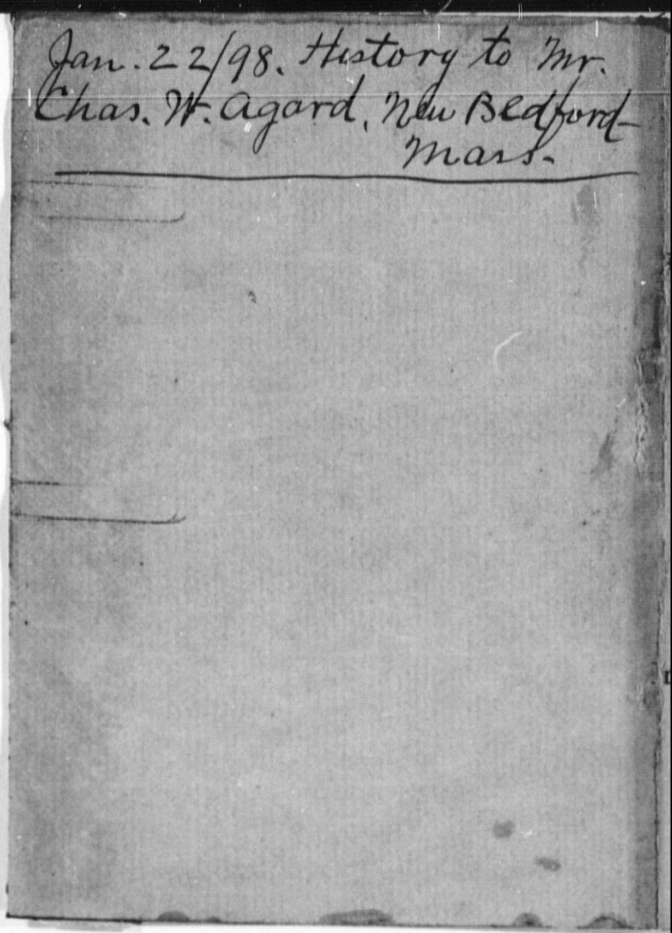Jan 22/98. History to Mr.
Chas. W. Agard, New Bedford
Mass.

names: Chas W Agard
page: 15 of 19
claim: survivor's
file: S. 23,092, Hezekiah Agard, Conn.